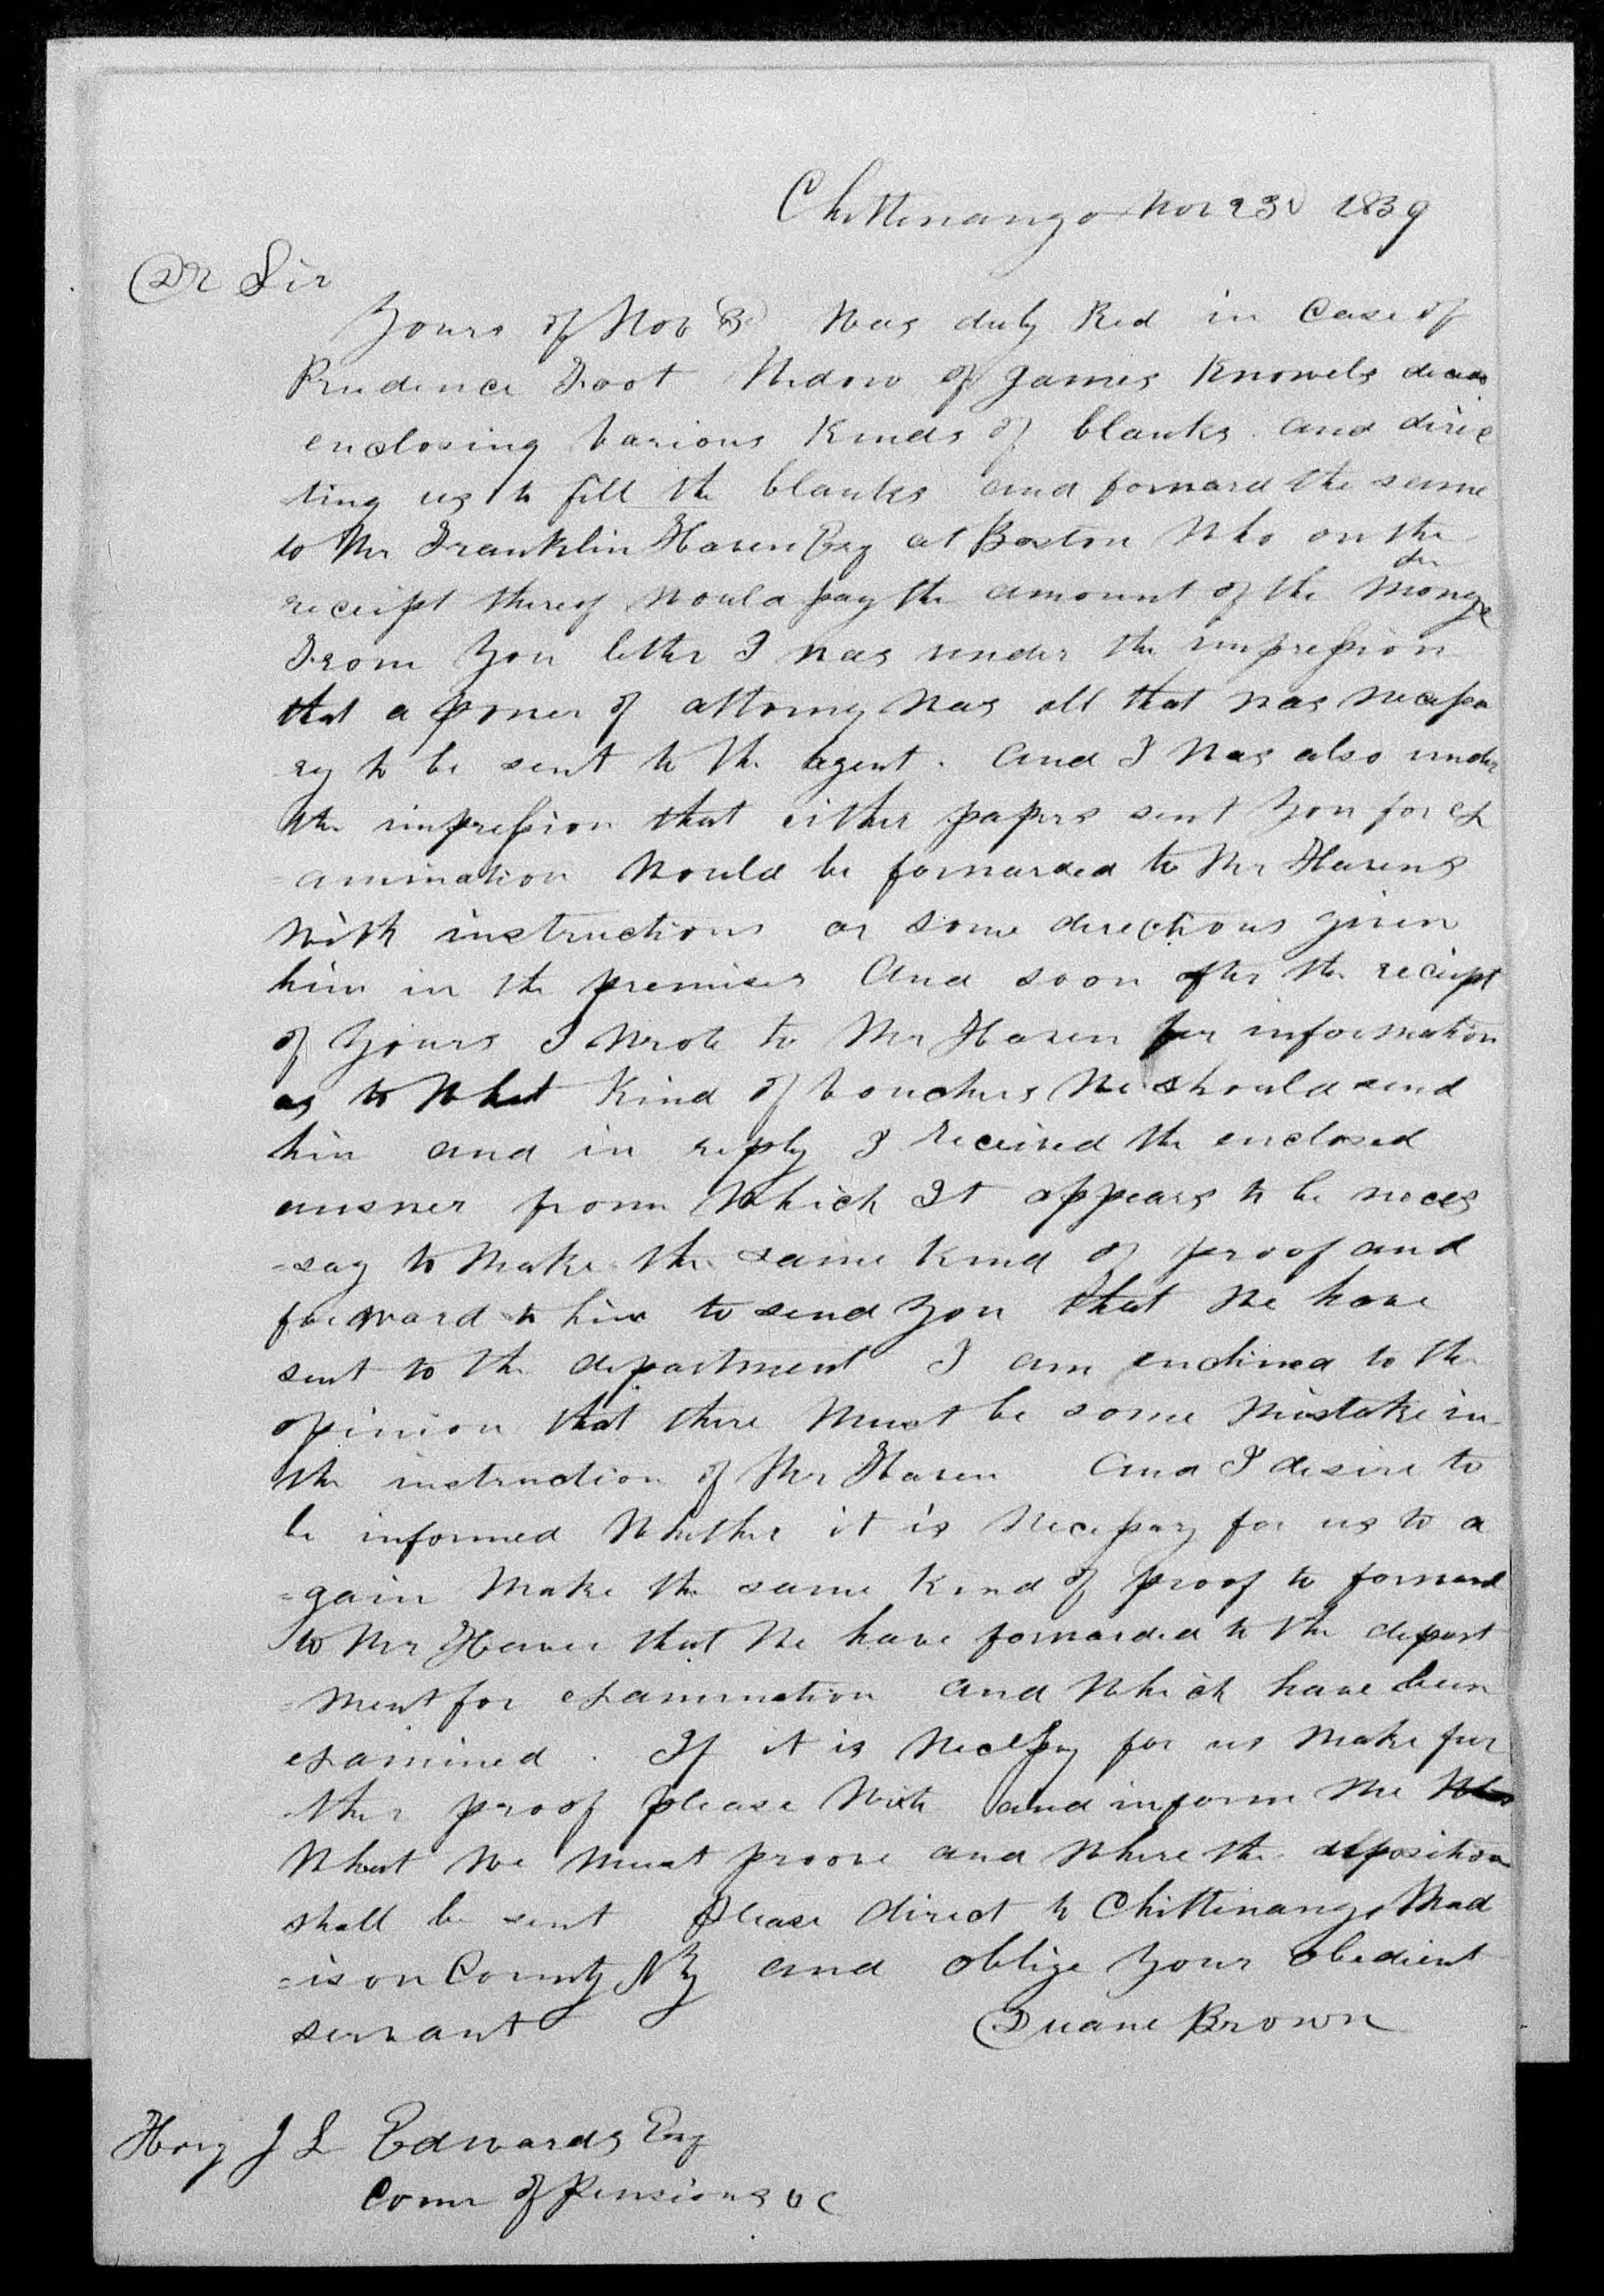Chittenango Nov 23d 1839
Sir
Yours of Nov 3 was duly Rc'd in case of Prudence Foot Widow of James Knowles dec'd enclosing various Kinds of blanks and desiring us to fill the blanks and forward the same to Mr Franklin Haven Esq at Boston Who on the receipt thereof would pay the amount of the money due. From your letter I was under the impression that a power of attorney was all that was necessary to be sent to the agent. And I was also under the impression that either papers sent you for examination would be forwarded to Mr. Haven's with instructions or some directions given him in the premises and soon after the receipt of your I wrote to Mr Haven for information as to what kind of vouchers we should send him and in reply I received the enclosed answer from which It appears to be necessary to make the same kind of proof and forward to him to send you that we have sent to the department  I am inclined to the opinion that there must be some mistake in the instruction of Mr Haven And I desire to be informed whether it is necessary for us to again make the same kind of proof to forward to Mr Haven that we have forwarded to the department for examination  and which have been examined. If it is necessary for us make further proof please write and inform me what we must prove and where the deposition shall be sent  Please direct to Chittenango Madison County NY and oblige Your obedient servant  
Duane Brown

J L Edwards Esq
Com of Pensions O C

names: J L Edwards; Duane Brown; James Knowles; Franklin Haven; Prudence Foot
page: 45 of 60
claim: widow's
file: W. 14,036, for James Knowles, Connecticut